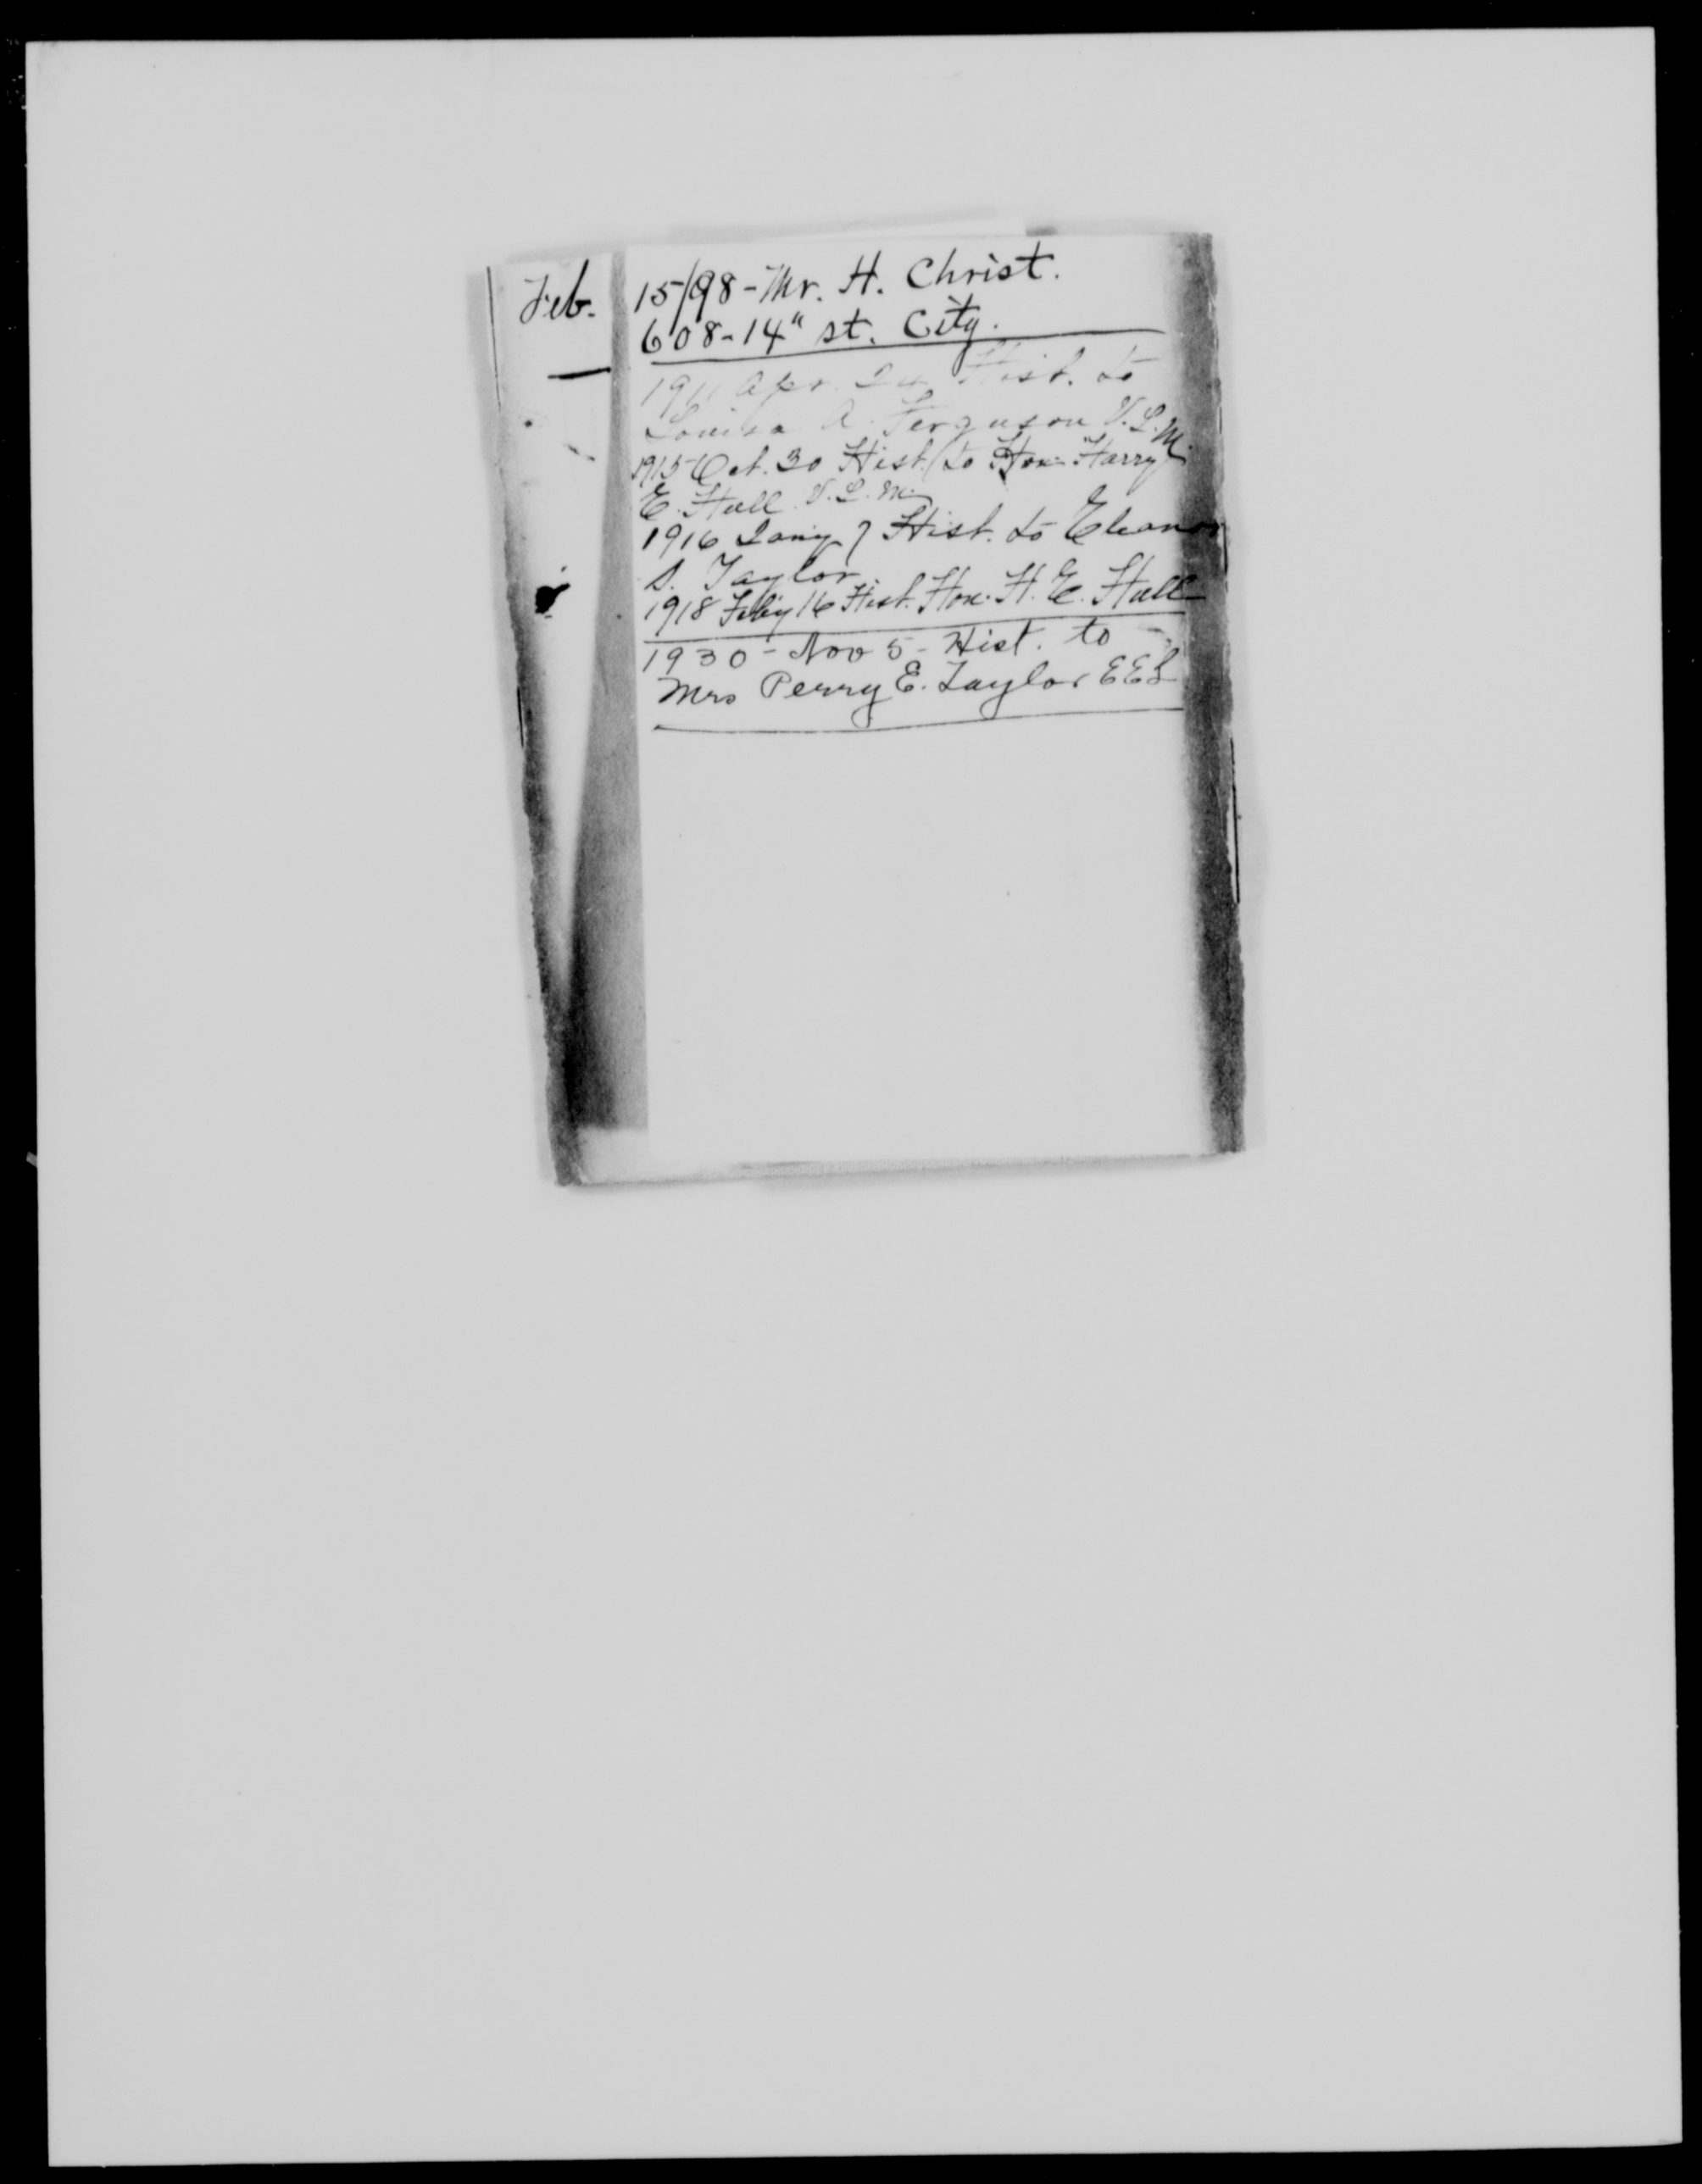Feb.
15 /98 - Mr. H. Christ.
60'8-14" St. City.
19 April
Louisa A. Ferguson &
1956 N.30 Hist to Hon Farry
E. Hall S.L.M.
1916 Jany 7 Hist. to Clear
┃ S.
1918 by F. H. H. Hall
┃ 1930
Nov 5. Hist. to
Mrs Ferry
Perry E. Taylor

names: H Christ, Perry E Taylor, Harry E Hall, Louisa A Ferguson, Elean S Taylor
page: 29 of 67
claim: widow's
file: W. 7379, George Young, New Jersey